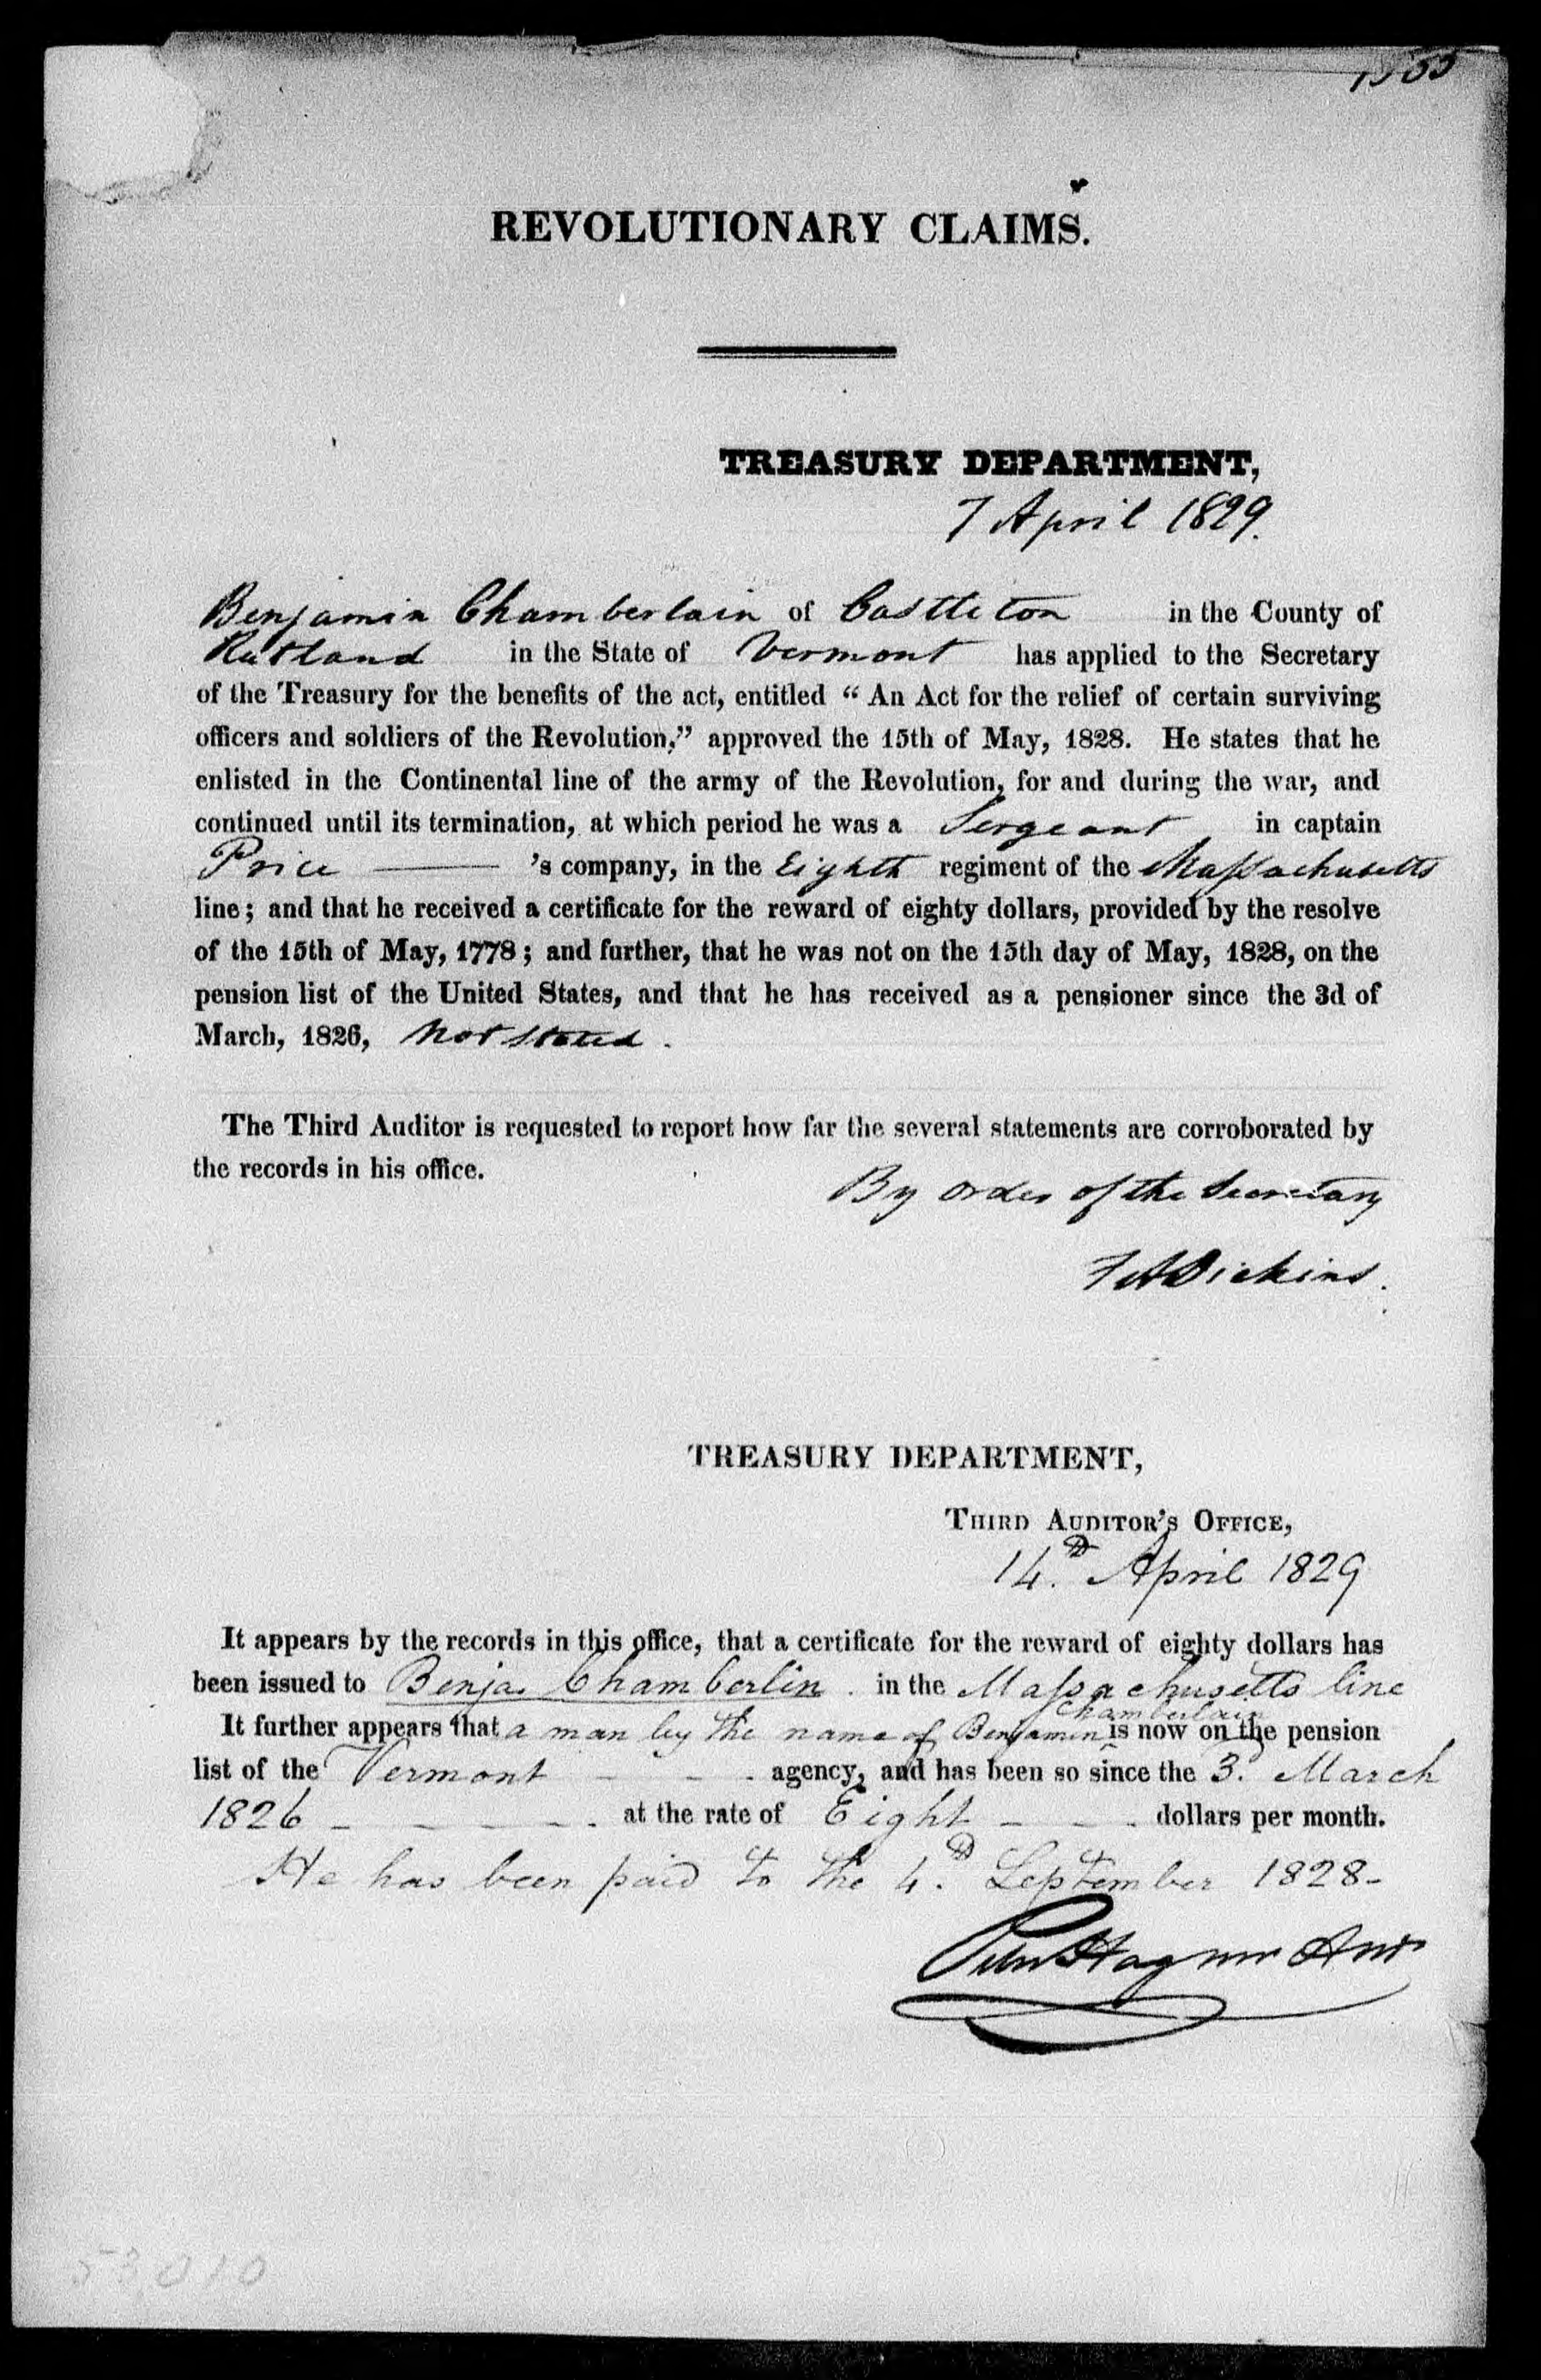REVOLUTIONARY CLAIMS 
TREASURY DEPARTMENT
7 April 1829.
Benjamin Chamberlain of Castleton in the County  of Rutland in the State of Vermont has applied to the Secretary of the Treasury for the benefits of the act, entitled "An Act for the relief of certain surviving officers and soldiers of the Revolution," approved the 15th of May, 1828. He states that he enlisted in the Continental line of the army of the Revolution, for and during the war, and continued until termination, at which period he was a Sergeant in captain Pierce's company, in the eighth regiment of the Massachusetts line; and that he received a certificate for the reward of eighty dollars, provided by the resolve of the 15th of May, 1778; and further, that he was not on the 15th day of May, 1828, on the pension list of the United States, and that he has received as a pensioner since the 3d of March, 1828, not stated.
The Third Auditor is requested to report how far the several statements are corroborated by the records in his office.   By order of the Secretary   F A Dickins

TREASURY DEPARTMENT,
THIRD AUDITOR'S OFFICE,
14th April 1829
It appears by the records in this office, that a certificate for the reward of eighty dollars has been issued to Benj. Chamberlin in the Massachusetts line.
It further appears that a man by the name of Benjamin Chamberlain is now on the pension list of the Vermont agency, and has been so since the 3d March 1826 at the rate of eight dollars per month.
He has been paid to the 4th September 1828 -
Perer Hagmant
53,010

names: Benjamin Chamberlain, Benjamin Chamberlain, Benja Chamberlin, Peter Hagner, F A Dickins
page: 20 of 30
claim: survivor's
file: S. 39306, Benjamin Chamberlin, Mass.